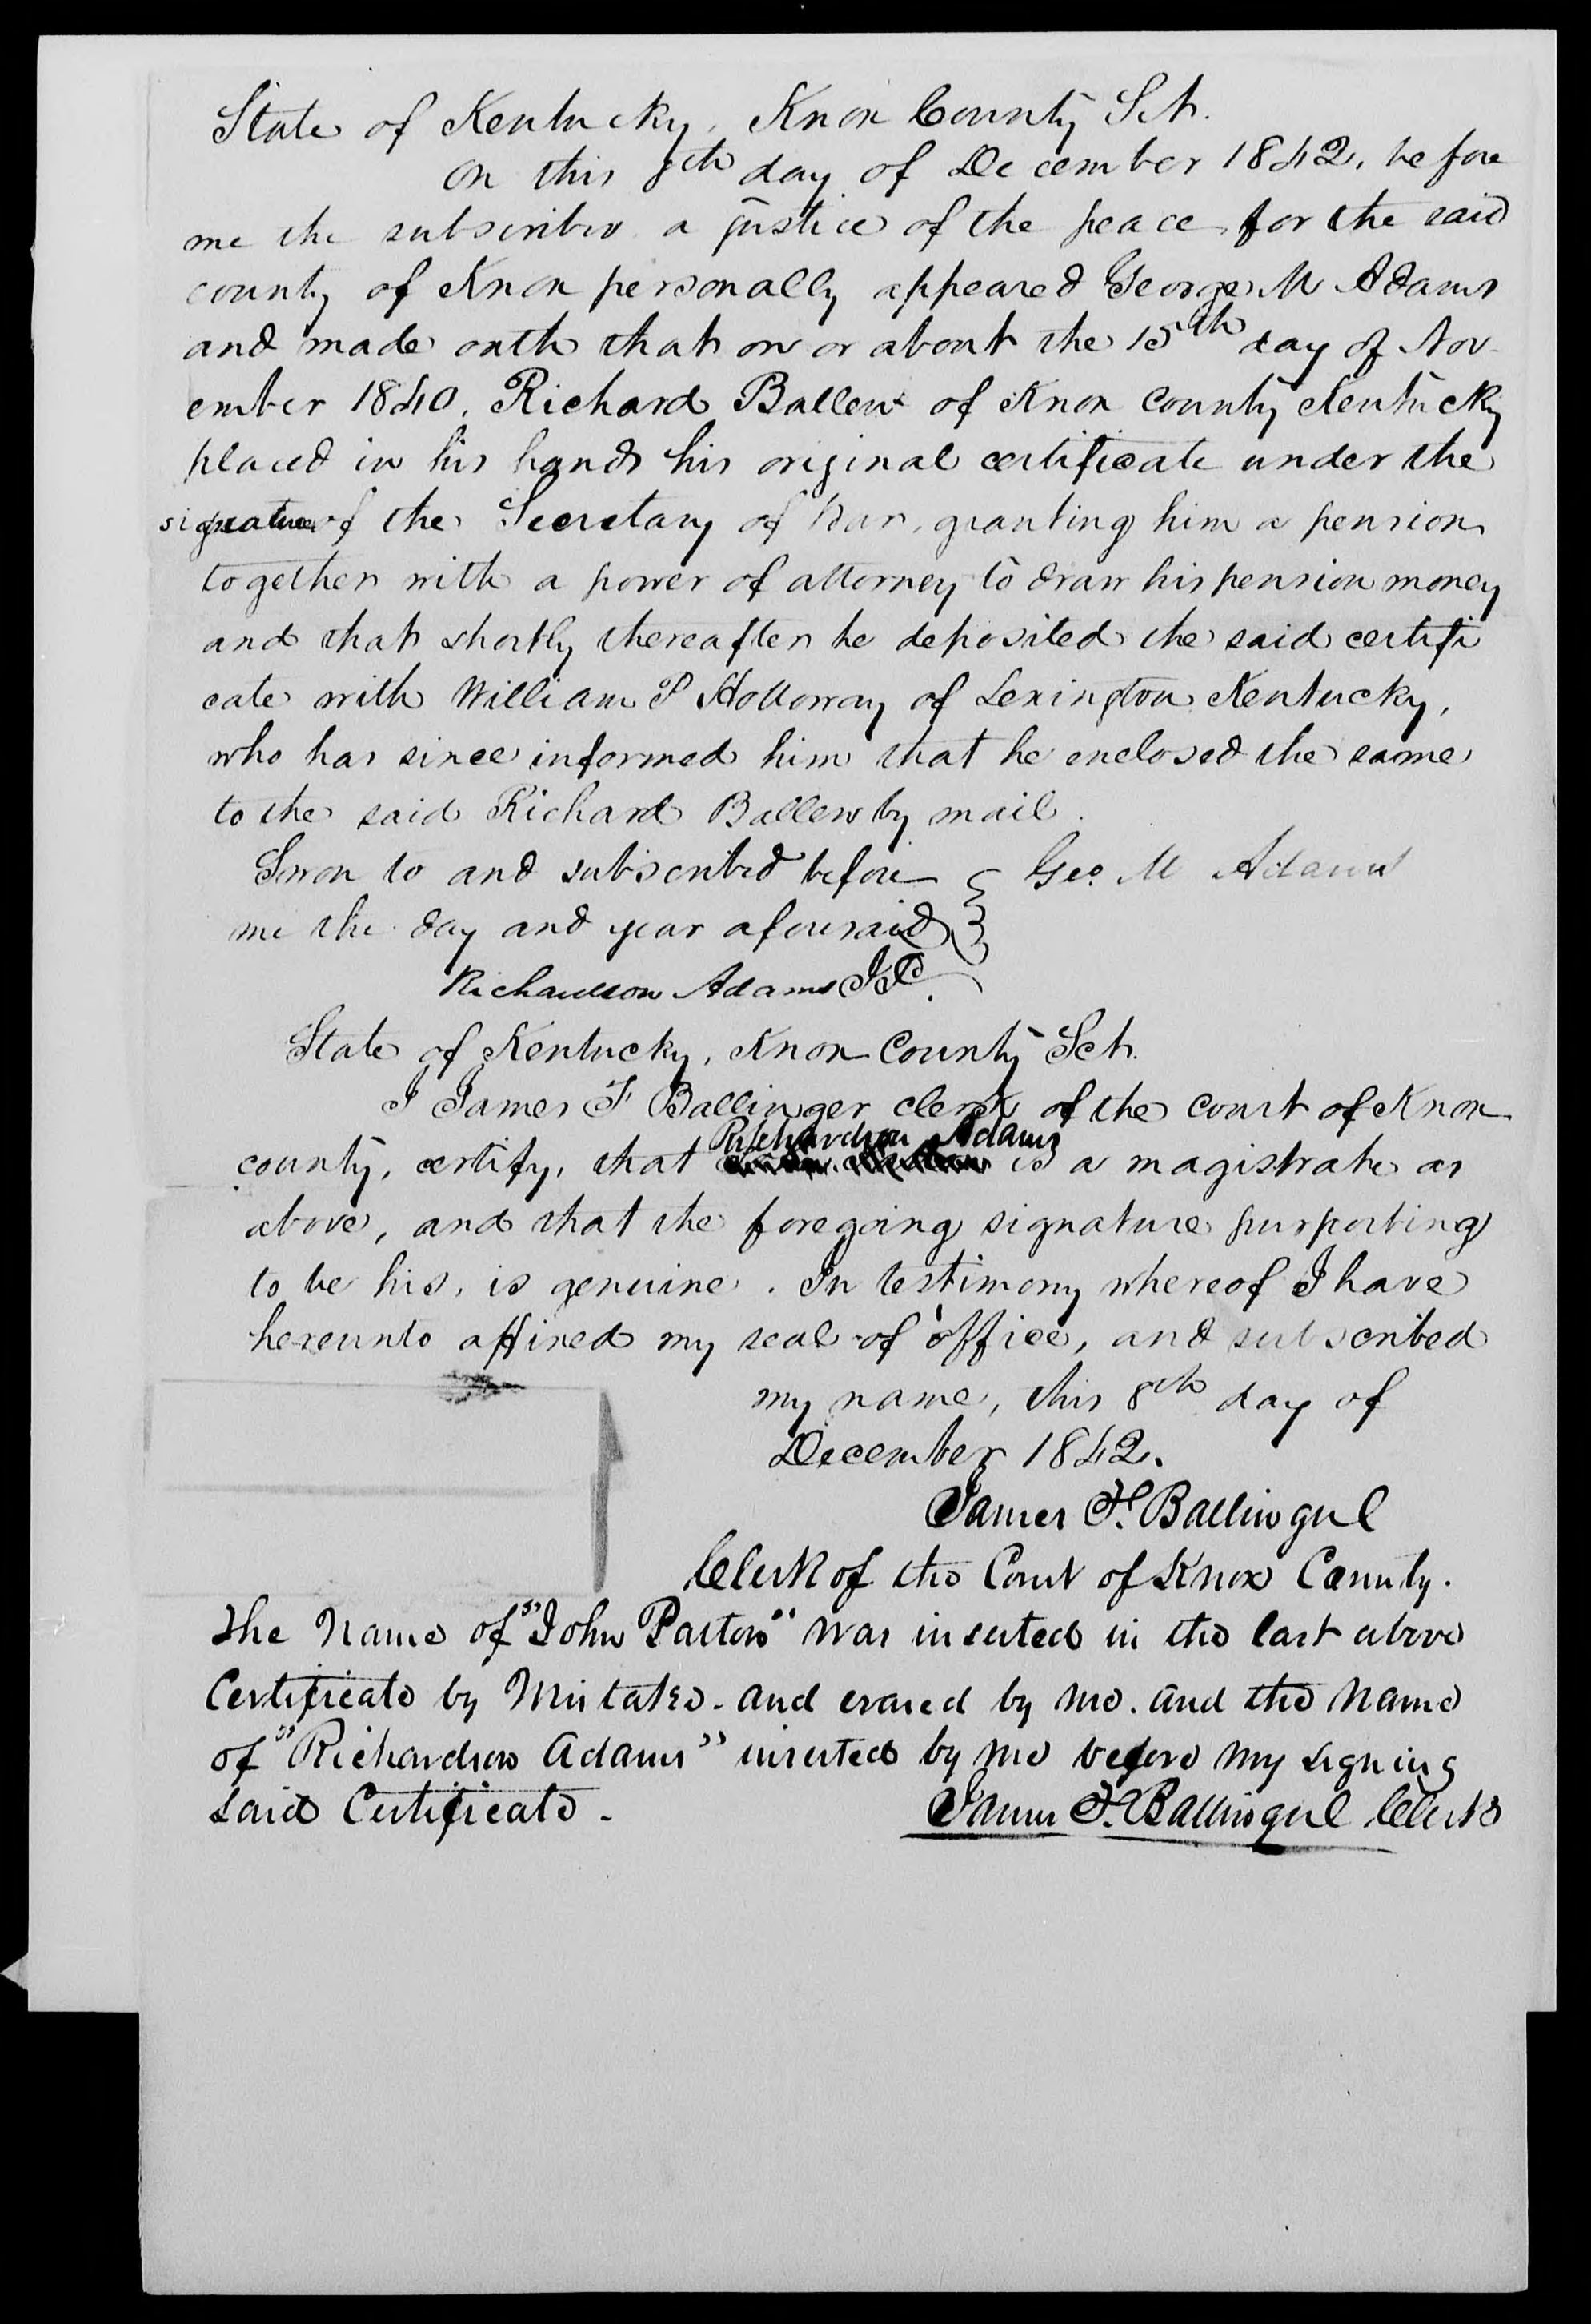State of Kentucky, Knox County Sct.
On this 8th day of December 1842, before
me the subscriber a justice of the peace, for the said
county of Knox personally appeared George M. Adams
and made oath that on or about the 15th day of Nov.
1840, Richard Ballew of Knox County Kentucky
placed in his hand his original certificate under the
signature of the Secretary of War, granting him a pension
together with a power of attorney to draw his pension money
and that shortly thereafter he deposited the said certificate
with William P. Holloway of Lexington Kentucky,
who has since informed him that he enclosed the same
to the said Richard Ballew by mail.
(signature of Geo. M. Adams)
Sworn to and subscribed before me the day and year aforesaid
(signature of Richardson Adams) J.P.

State of Kentucky, Knox County Sct.
I James F. Ballinger clerk of the court of Knox
County, certify, that Richardson Adams is a magistrate as
above, and that the foregoing signature purporting
to be his  is genuine.  In testimony whereof i have
hereunto affixed my seal of office, and subscribed
my name, this 8th day of December 1842.
(signature of James F. Ballinger)

Clerk  of the Court of Knox County.
The name of John Patton was inserted in the last above
Certificate by Mistated, and erased by me and the name
of Richardson Adams inserted by me before my signing
said Certificate.
(signature of James F. Ballinger) Clerk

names: William P Holloway, James F Ballinger, Richardson Adams, Richard Ballew, Geo M Adams, John Patton, Richardson Adams, George M Adams, Richardson Adams, James F Ballinger, James F Ballinger, Richard Ballew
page: 27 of 33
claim: survivor's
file: S. 15305, Richard Ballew, N.C.